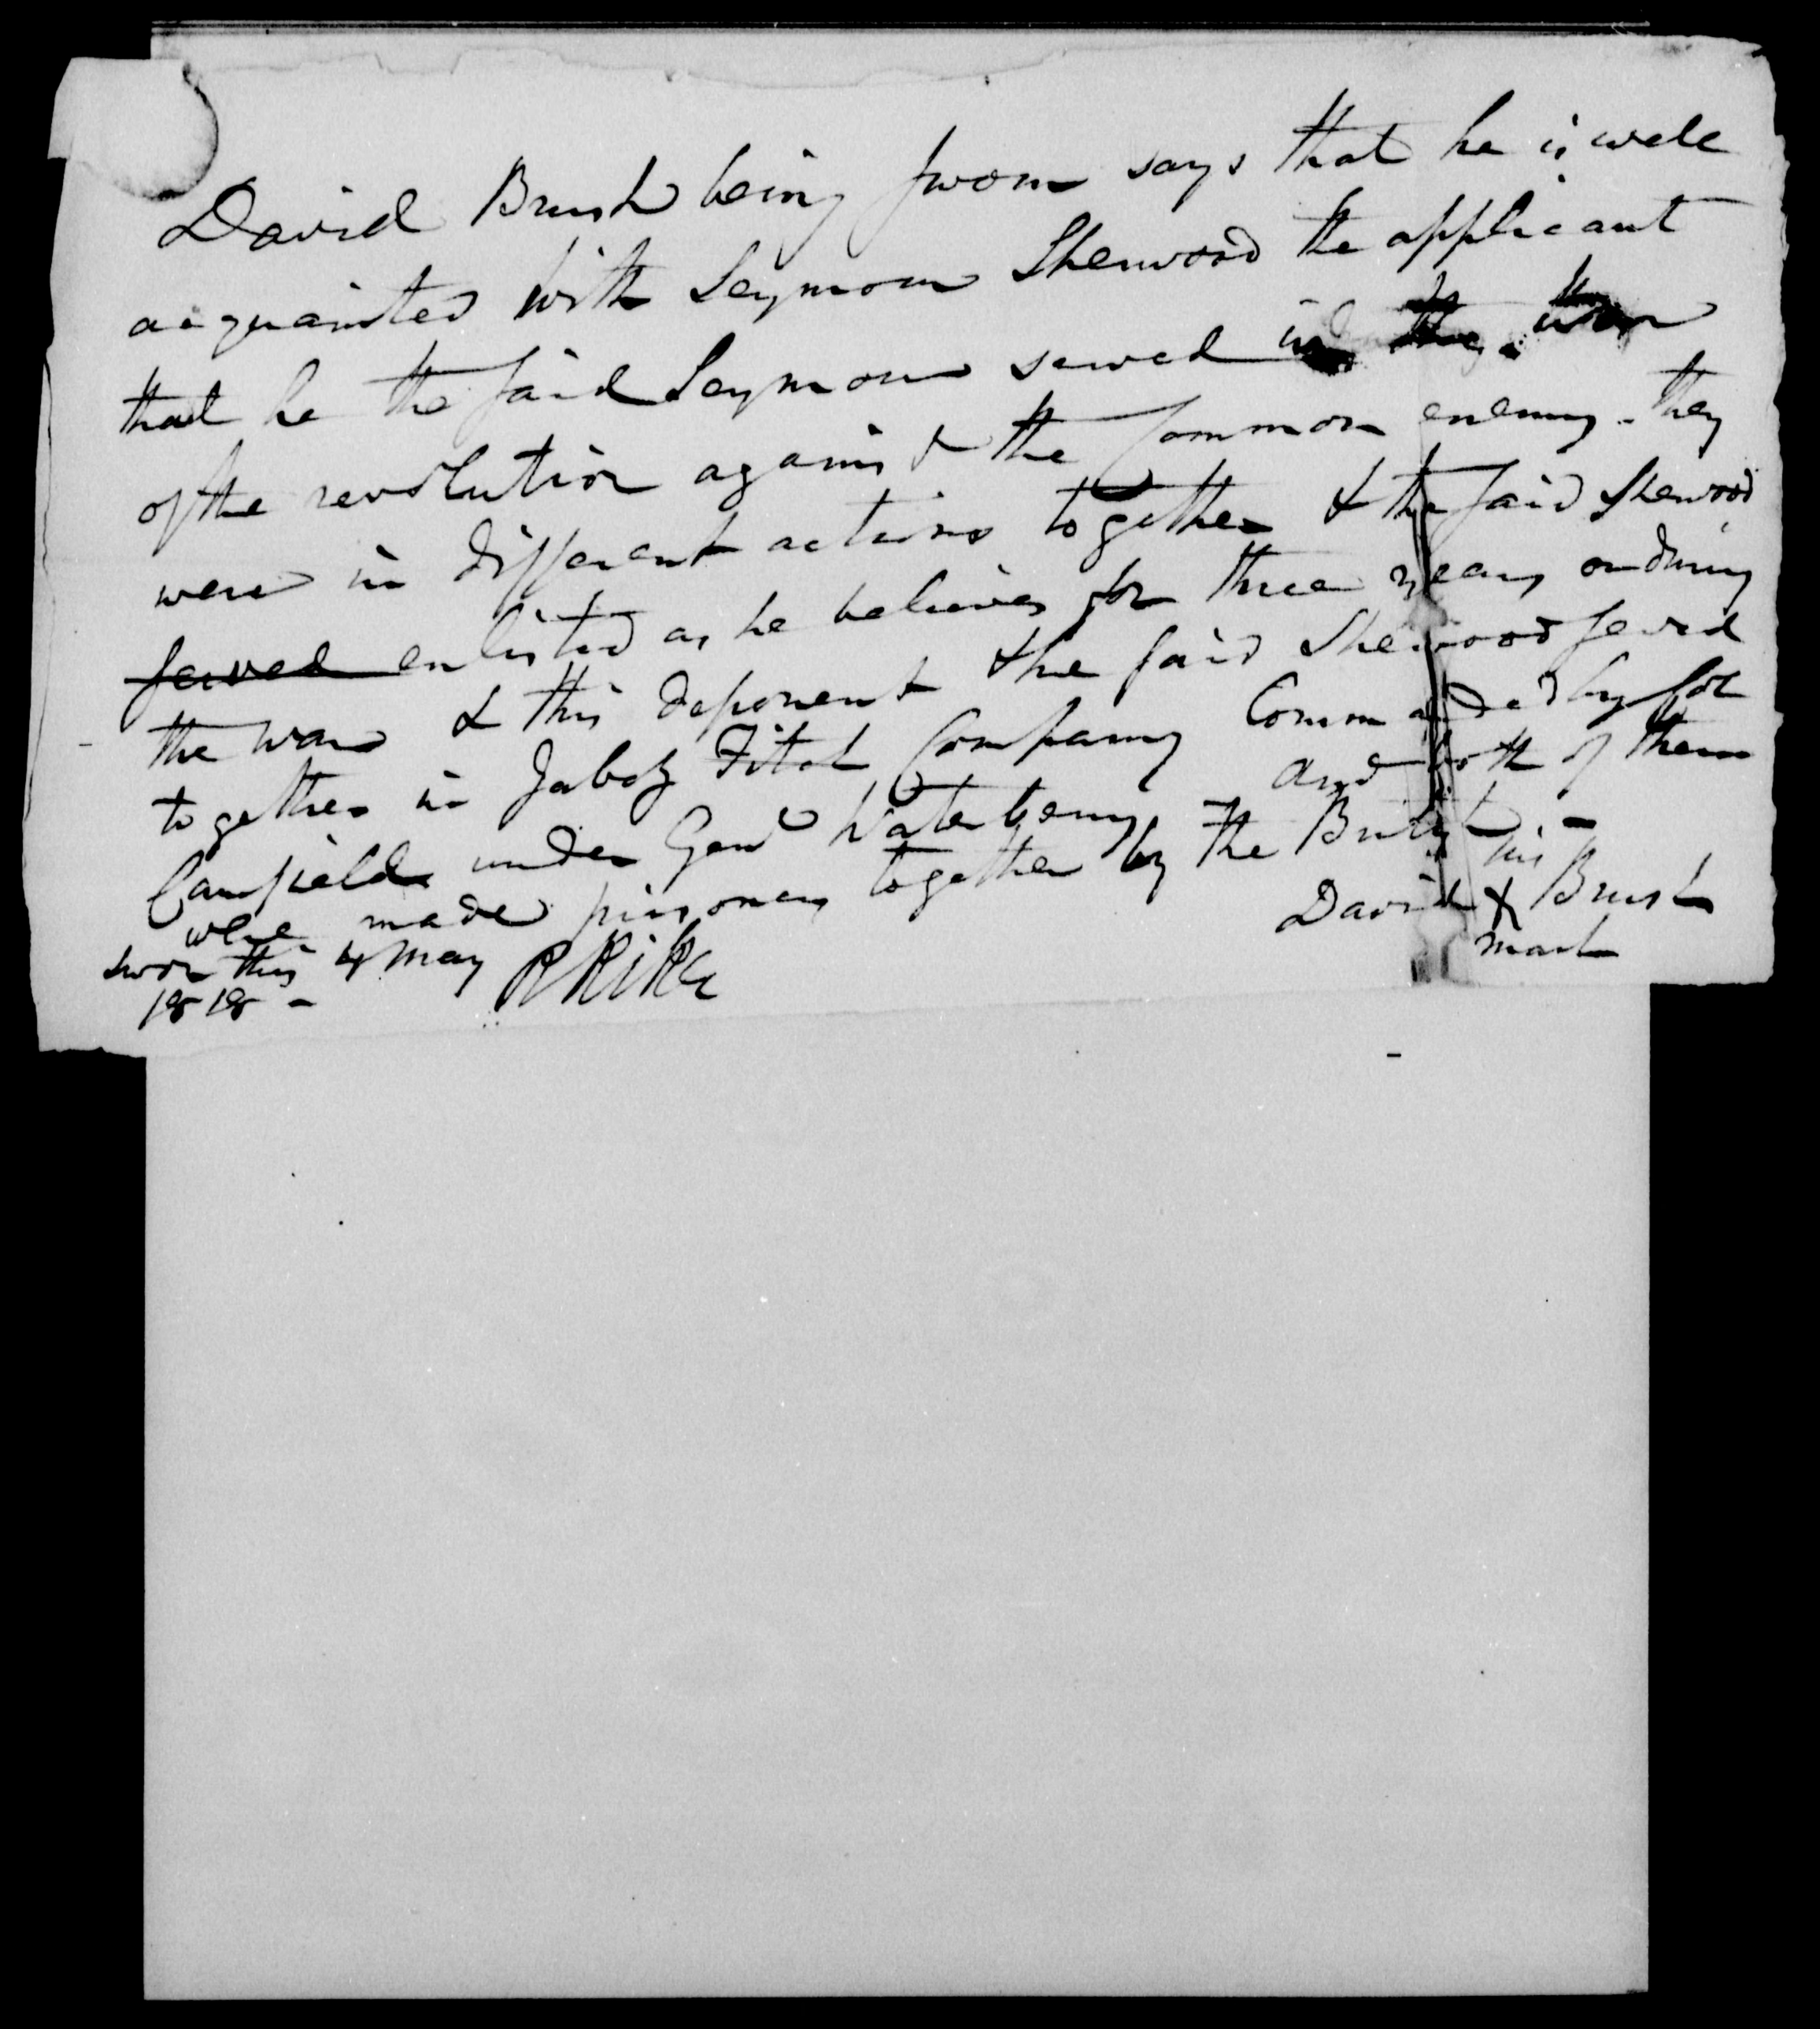David Brush being sworn says that he is well acquainted with Seymour Sherwood the applicant that he the said Seymour served in the war of the Revolution against the common enemy they were in different  actions together and the said Sherwood enlisted as he believes for three years during the war and this deponent and the said Sherwood served together in Jabez Fitch Company commanded by Col. Canfield under General Waterbury and both of them were made prisoners together by the British.

David Brush 
(his mark)

Sworn this 4 May 1818

R.Piker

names: [BLANK] Camfield; David Brush; David Brush; [BLANK] Sherwood; [BLANK] Waterbury; Seymour [BLANK]; R Riker; Seymour Sherwood; [BLANK] Sherwood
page: 12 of 30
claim: survivor's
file: S. 42289, for Seymore Sherwood, Connecticut